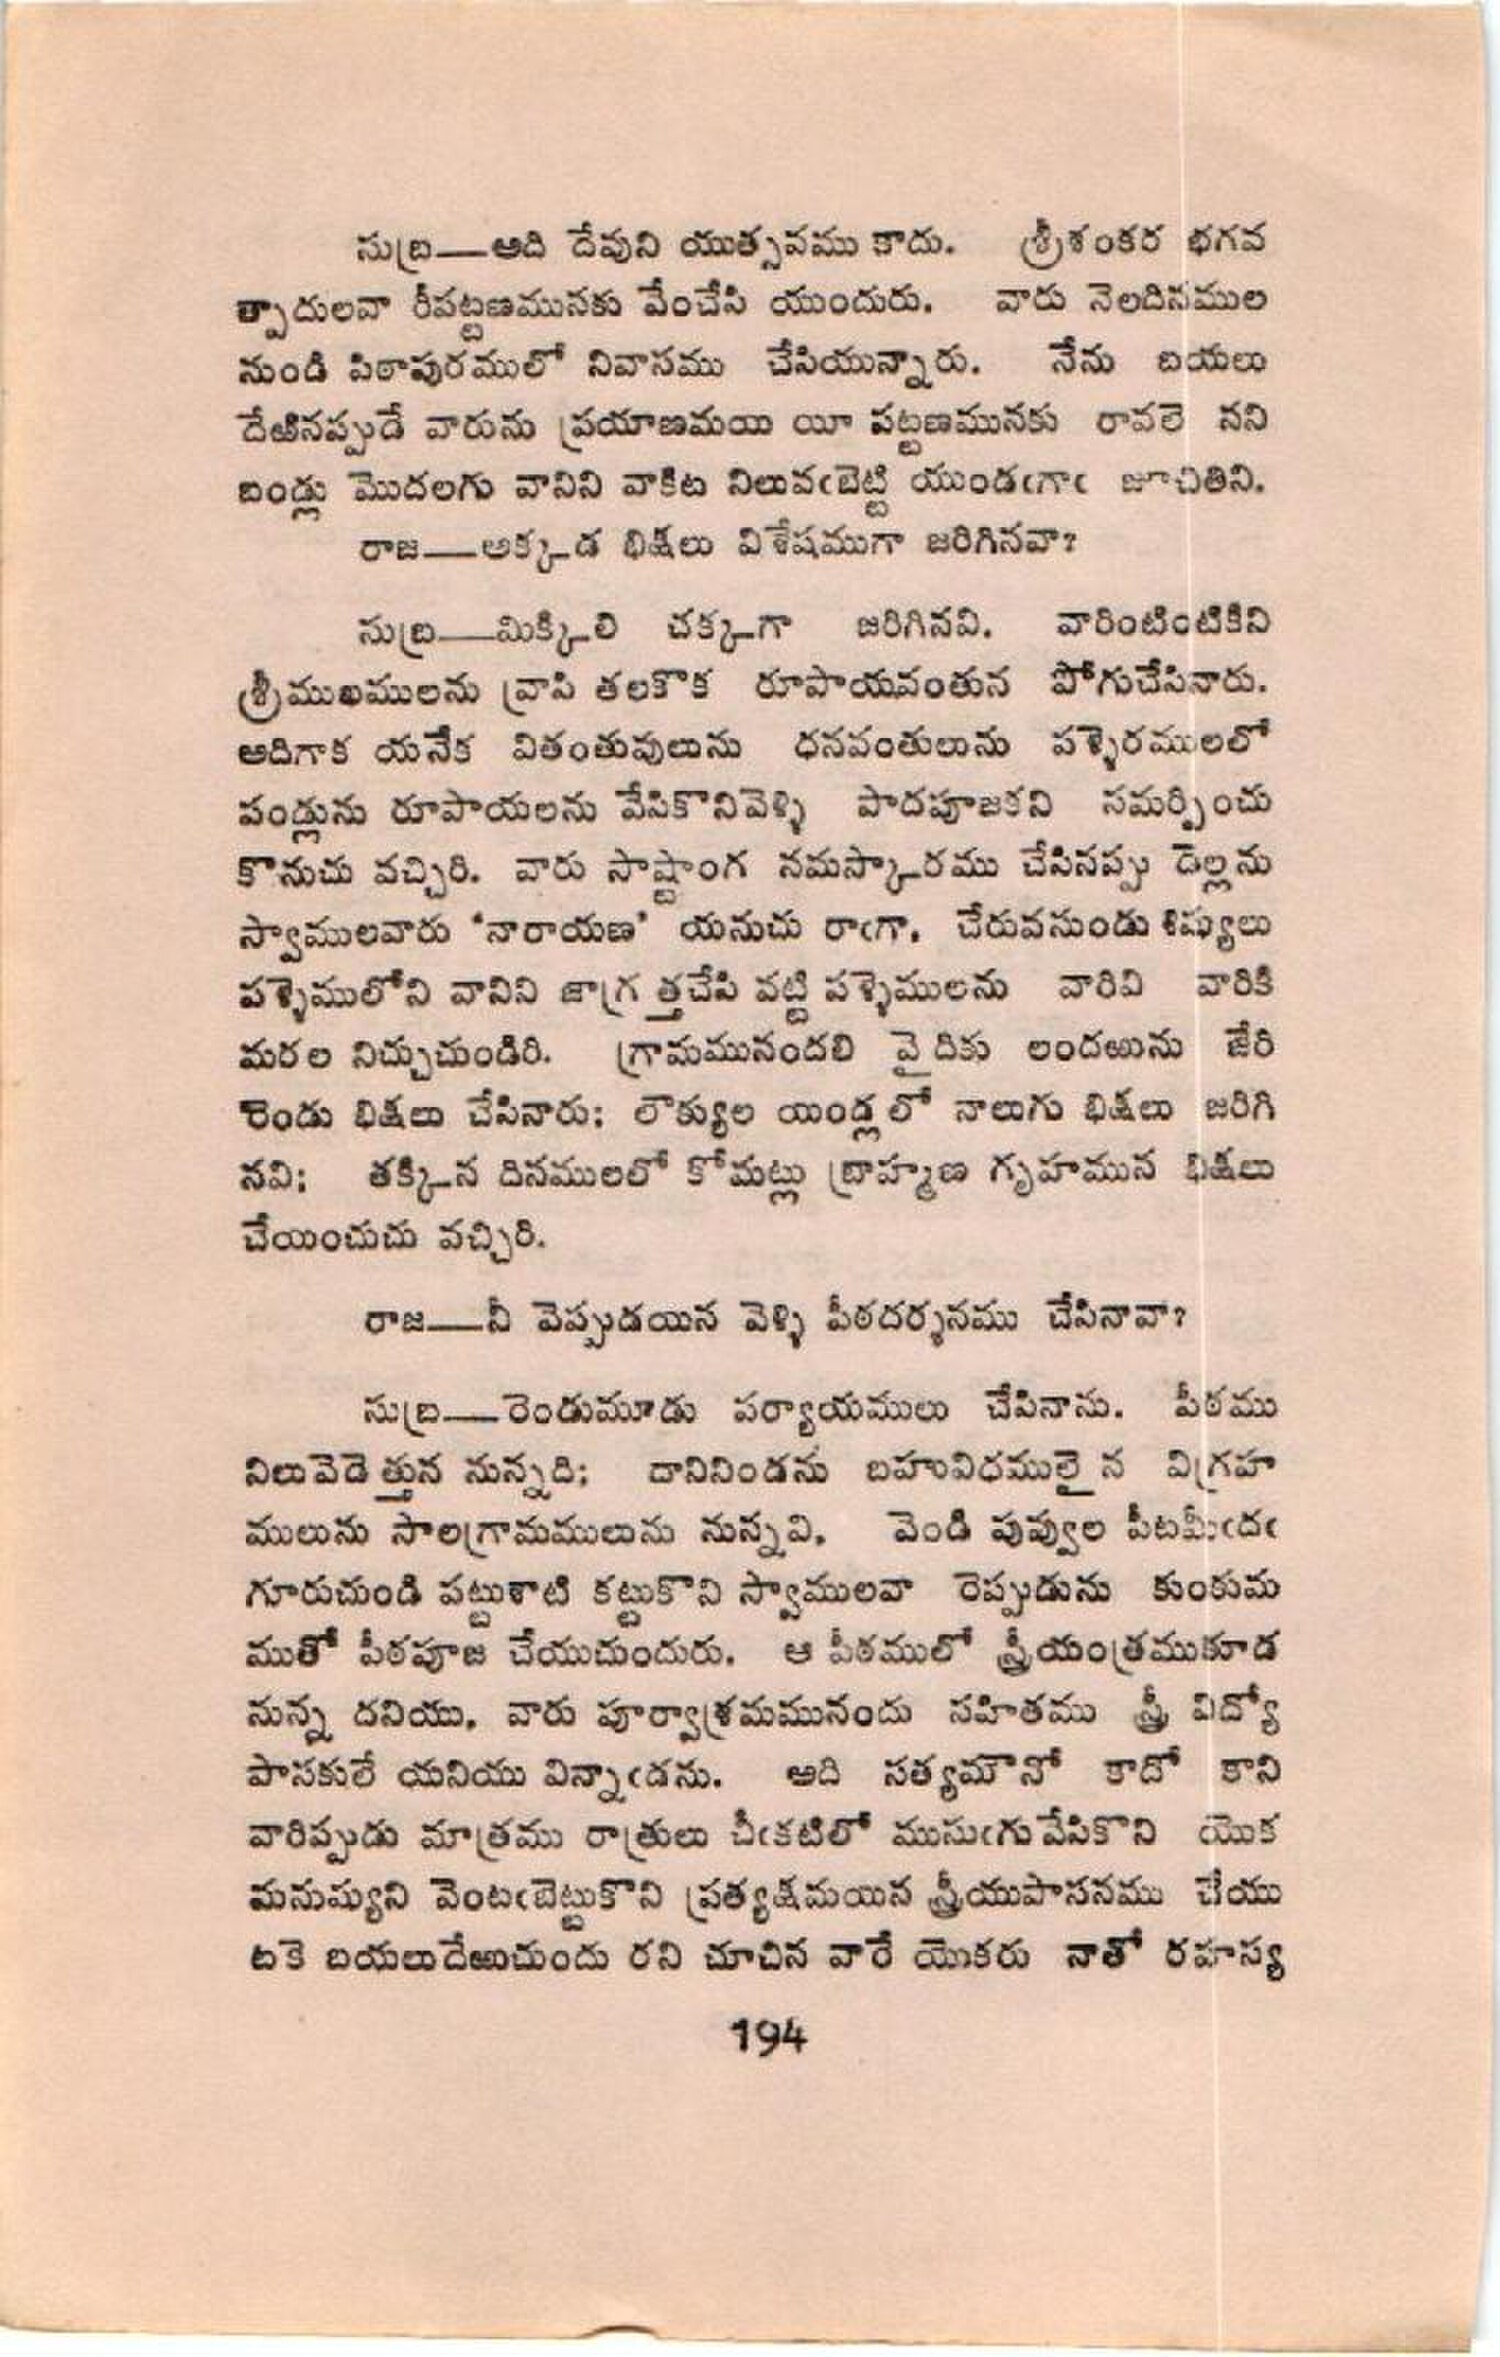సుబ్ర__ఆది దేవుని యుత్సవము కాదు. శ్రీశంకర భగవత్పాదులవా రీపట్టణమునకు వేంచేసి యుందురు. వారు నెలదినములనుండి పిఠాపురములో నివాసము చేసియున్నారు. నేను బయలు దేఱినప్పుడే వారును ప్రయాణమయి యీ పట్టణమునకు రావలెనని బండ్లు మొదలగు వానిని వాకిట నిలువఁబెట్టి యుండగా జూచితిని.

రాజ__అక్కడ భిక్షలు విశేషముగా జరిగినవా?

సుబ్ర__మిక్కిలి చక్కగా జరిగినవి. వారింటింటికిని శ్రీముఖములను వ్రాసి తలకొక రూపాయవంతున పోగుచేసినారు. అదిగాక యనేక వితంతువులును ధనవంతులను పళ్ళెరములలో పండ్లను రూపాయలను వేసికొనివెళ్ళి పాదపూజకని సమర్పించుకొనుచు వచ్చిరి. వారు సాష్టాంగ నమస్కారము చేసినప్పు డెల్లను స్వాములవారు 'నారాయణ' యనుచు రాగా, చేరువ నుండు శిష్యులు పళ్ళెములోని వానిని జాగ్రత్తచేసి వట్టి పళ్ళెములను వారివి వారికి మరల నిచ్చుచుండిరి. గ్రామమునందలి వైదికు లందఱును జేరి రెండు భిక్షలు చేసినారు; లౌక్యుల యిండ్లలో నాలుగు భిక్షలు జరిగినవి; తక్కిన దినములలో కోమట్లు బ్రాహ్మణ గృహమున భిక్షలు చేయించుచు వచ్చిరి.

రాజ__నీ వెప్పుడయిన వెళ్ళి పీఠదర్శనము చేసినావా?

సుబ్ర__రెండుమూడు పర్యాయములు చేసినాను. పీఠము నిలువెడెత్తున నున్నది; దానినిండను బహువిధములైన విగ్రహములును సాలగ్రామములును నున్నవి. వెండి పువ్వుల పీటమీఁదఁ గూరుచుండి పట్టుశాటి కట్టుకొని స్వాములవా రెప్పడును కుంకుమముతో పీఠపూజ చేయుచుందురు. ఆ పీఠములో స్త్రీ యంత్రముకూడ నున్న దనియు, వారు పూర్వాశ్రమమునందు సహితము స్త్రీ విద్యో పాసకులే యనియు విన్నాఁడను. అది సత్యమౌనో కాదో కాని వారిప్పుడు మాత్రము రాత్రులు చీకటిలో ముసుఁగువేసికొని యొక మనుష్యుని వెంటఁబెట్టుకొని ప్రత్యక్షమయిన స్త్రీయుపాసనము చేయుటకె బయలుదేఱుచుందు రని చూచిన వారే యొకరు నాతో రహస్య